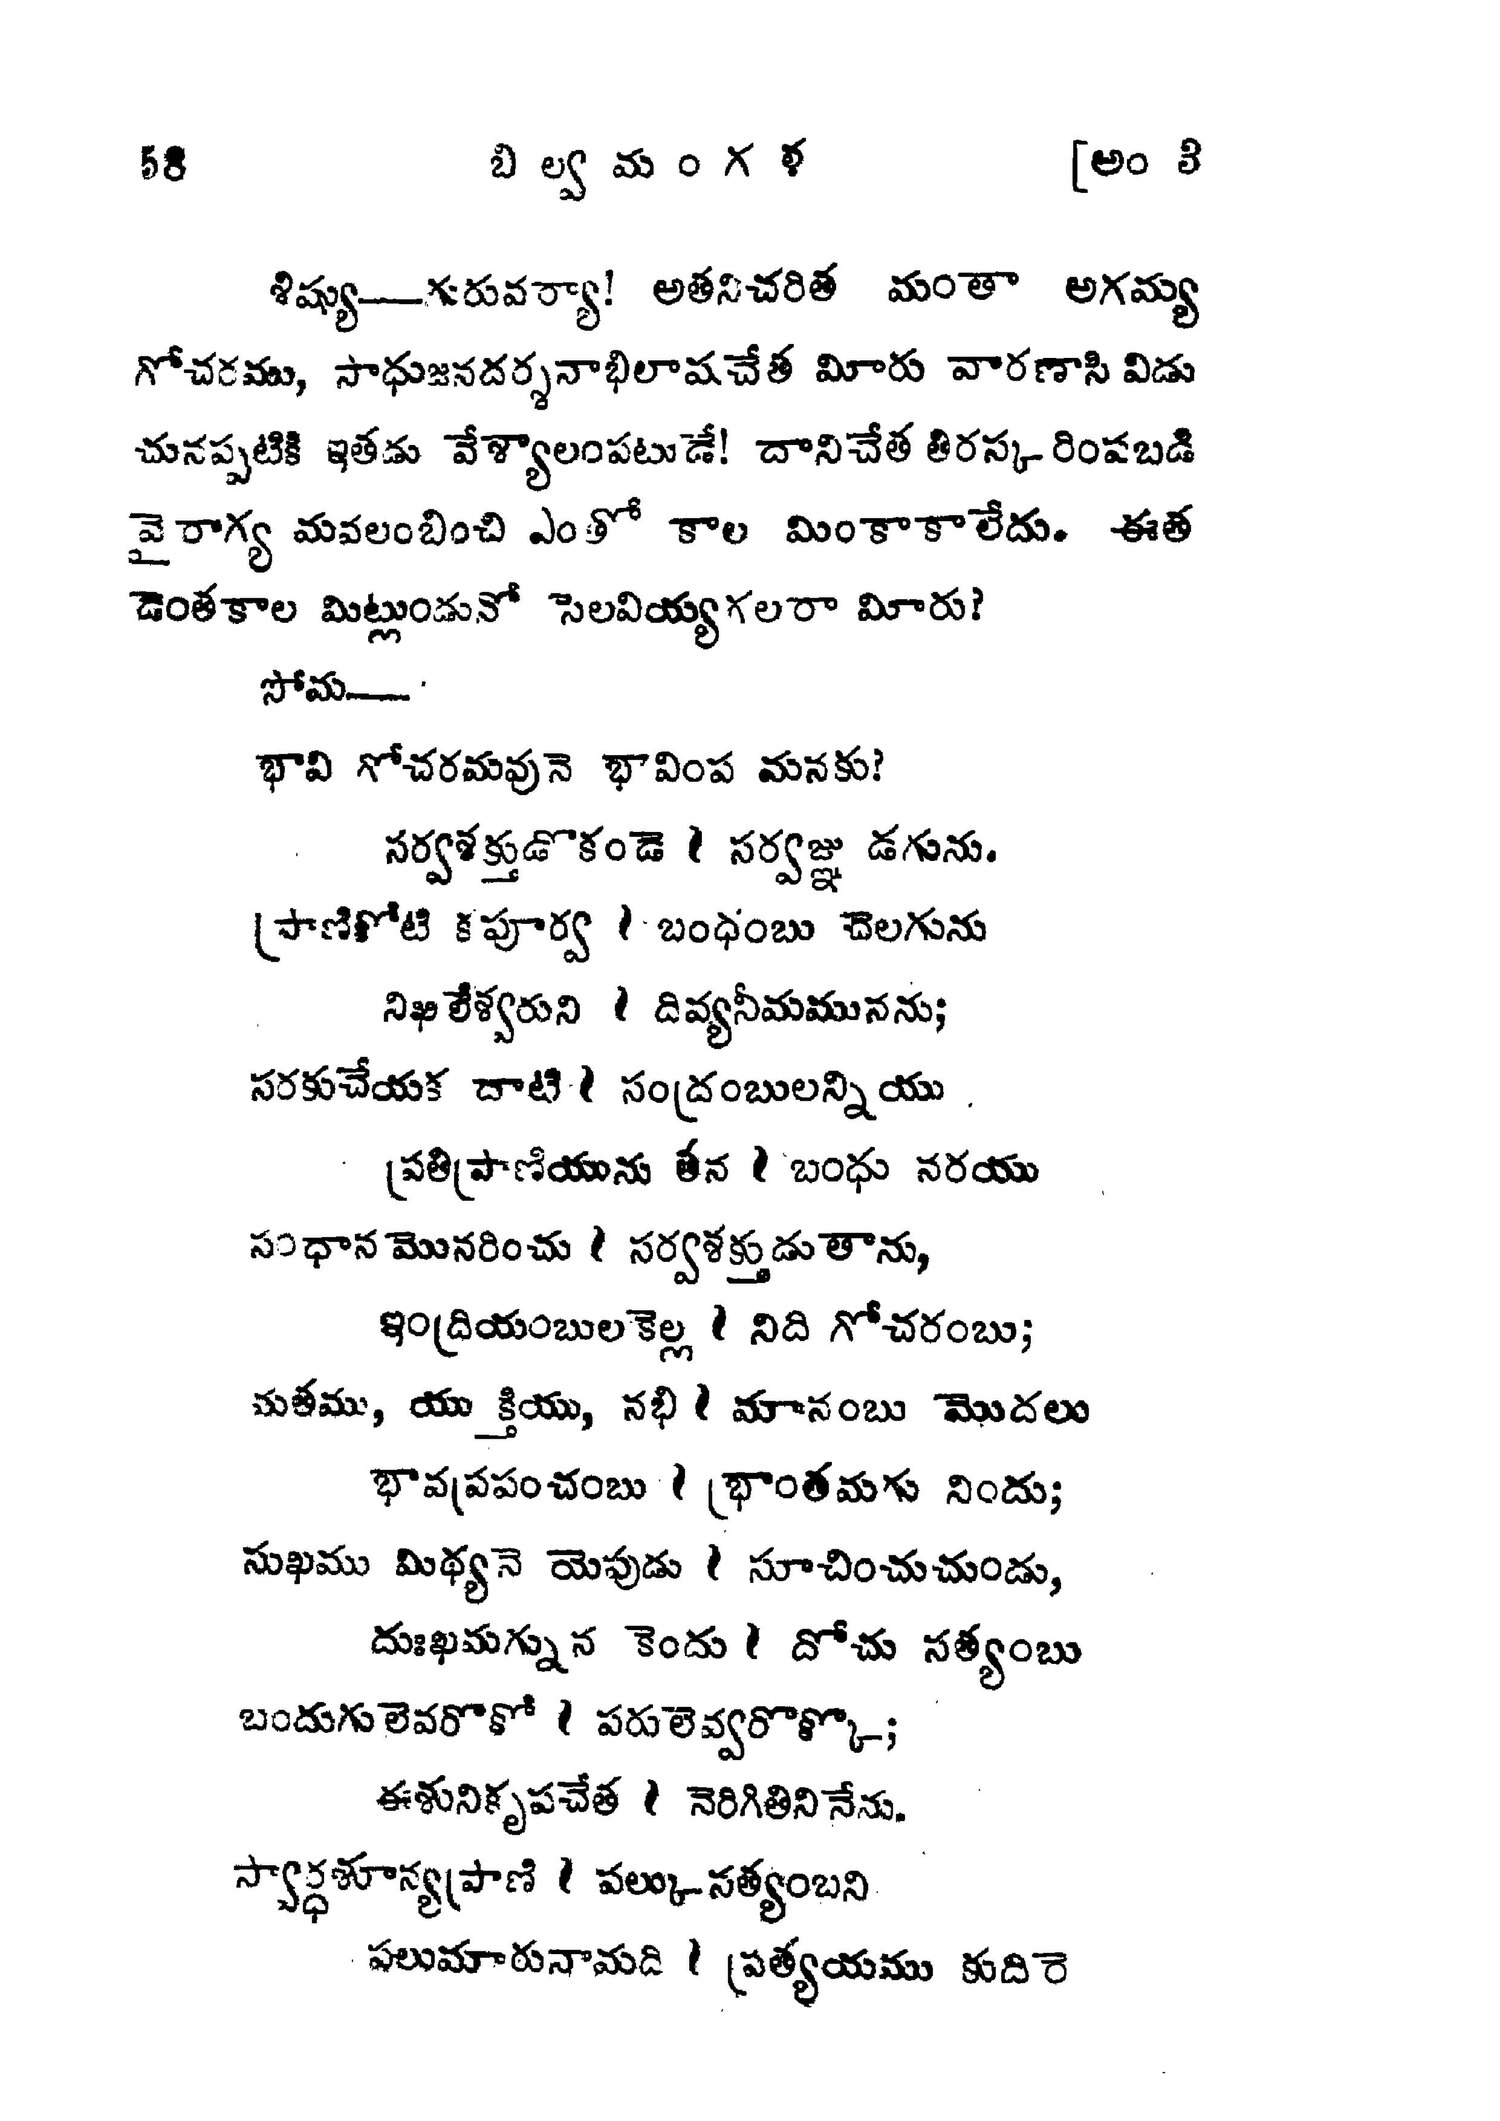శిష్యు - గురువర్యా! అతనిచరిత మంతా అగమ్య గోచరము, సాధుజనదర్శనాభిలాషచేత మీరు వారణాసి విడుచునప్పటికి ఇతడు వేశ్యాలంపటుడే! దానిచేత తిరస్కరింపబడి వైరాగ్య మవలంబించి ఎంతో కాల మింకాకాలేదు. ఈత డెంతకాల మిట్లుండునో సెలవియ్యగలరా మీరు?

సోమ -

 భావి గోచరమవునె భావింప మనకు?
 సర్వశక్తుడొకండె ♦ సర్వజ్ఞు డగును.
 ప్రాణికోటి కపూర్వ ♦ బంధంబు చెలగును
 నిఖిలేశ్వరుని ♦ దివ్యనీమమునను;
 సరకుచేయక దాటి ♦ సంద్రంబులన్నియు
 ప్రతిప్రాణియును తన ♦ బంధు నరయు
 సంధానమొనరించు ♦ సర్వశక్తుడుతాను,
 ఇంద్రియంబుల కెల్ల ♦ నిది గోచరంబు;
 మతము, యుక్తియు, నభి ♦ మానంబు మొదలు
 భావప్రపంచంబు ♦ భ్రాంతమగు నిందు;
 సుఖము మిథ్యనె యెపుడు ♦ సూచించుచుండు,
 దు:ఖమగ్నున కెందు ♦ దోచు సత్యంబు
 బందుగులెవరొకో ♦ పరులెవరొక్కొ;
 ఈశునికృపచేత ♦ నెరిగితినినేను.
 స్వార్ధశూన్యప్రాణి ♦ పల్కుసత్యంబని
 పలుమారునామది ♦ ప్రత్యయము కుదిరె